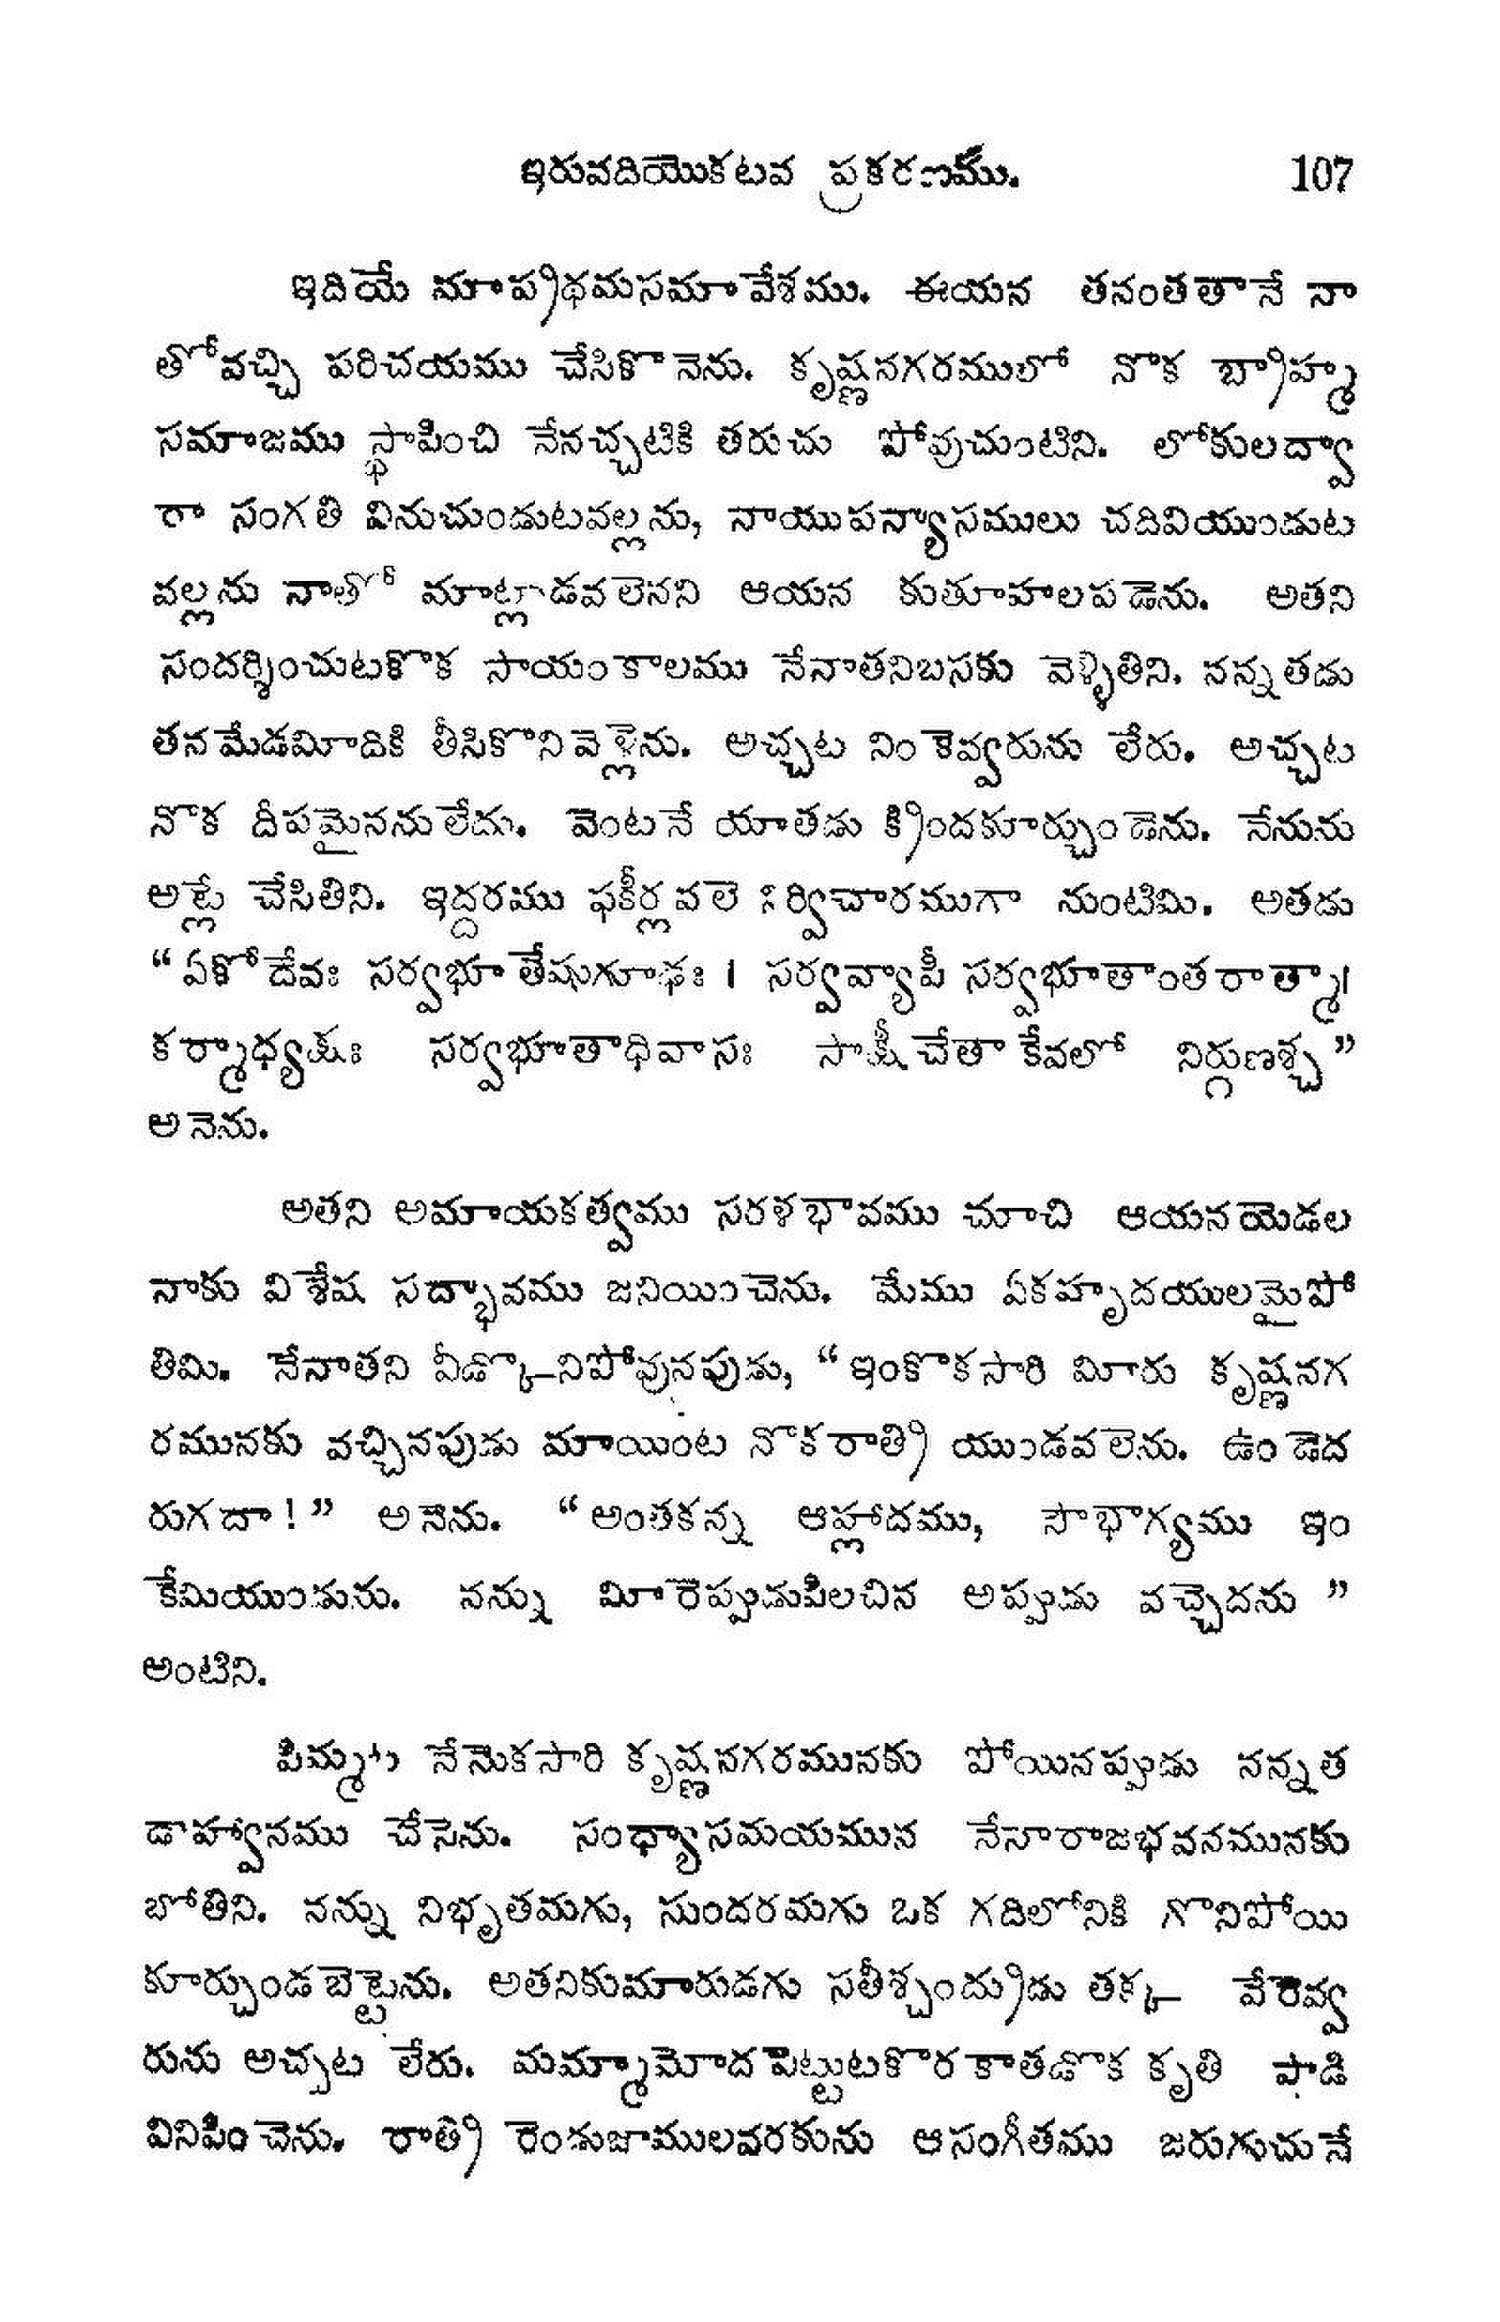ఇదియే మాప్రథమసమా వేశము. ఈయన తనంత తానే నాతోవచ్చి పరిచయము చేసికొనెను. కృష్ణ నగరములో నొక బాహ్మసమాజము స్థాపించి నేనచ్చటికి తరుచు పోవుచుంటిని. లోకుల ద్వారా సంగతి వినుచుండుట వల్లను, నాయుపన్యాసములు చదివియుండుటవల్లను నాతో మాట్లాడవలెనని ఆయన కుతూహల పడెను.
సందర్శించుటకొక సాయం కాలము నేనాతనిబసకు వెళ్ళితిని, సన్నతడు
తన మేడమీదికి తీసికొని వెళ్లెను. అచ్చట నింనింకెవ్వరును లేరు. అచ్చట
నొక దీపమైనను లేదు. వెంటనే యాతడు క్రింద కూర్చుండెను. నేనును
అట్లే చేసితిని. ఇద్దరము ఫకీర్ల వలె నిర్విచారముగా నుంటిమి. అతడు
“ ఏకో దేవః సర్వభూతేషుగూశః | సర్వవ్యాపీ సర్వభూతాంత రాత్మా!
కర్మాధ్యక్షః సర్వభూతాధివాసః సాక్ష్మీ చేతా కేవలో నిర్గుణశ్చ ”
అనెను. 

అతని అమాయకత్వము సరళభావము చూచి ఆయన యెడలనాకు విశేష సద్భావము జనియించెను. మేము ఏకహృదయువులయిపోతిమి.నేనతని వీడ్కొని పోవునపుడు
 "ఇంకొక సారి మీరు కృష్ణనగరమునకు వచ్చినపుడు మాయింట నొక రాత్రి యుండవలెను. ఉండెదరుగదా!” అనెను. " అంతకన్న ఆహ్లాదము, సౌభాగ్యము 
ఇంకేమి యుండును. నన్ను మీరెప్పుడు పిలచిన అప్పుడు వచ్చెదను అంటిని.

పిమ్మటనే సెకసారి కృష్ణ నగరమునకు పోయినప్పుడు నన్నత
డాహ్వానము చేసెను. సంధ్యా సమయమున నేనా రాజభవనమునకు
బోతిని. నన్ను నిభృతమగు, సుందరమగు ఒక గదిలోనికి గొనిపోయి
కూర్చుండ బెట్టెను. అతని కుమారుడగు సతీశ్చందుడు తక్క వేరెవ్వ
రును అచ్చట లేరు. మమ్మామోద పెట్టుటకొర కాతడొక కృతి పాడి
వినిపించెను. రాత్రి రెండు జాములవరకును ఆ సంగీతము జరుగుచునే